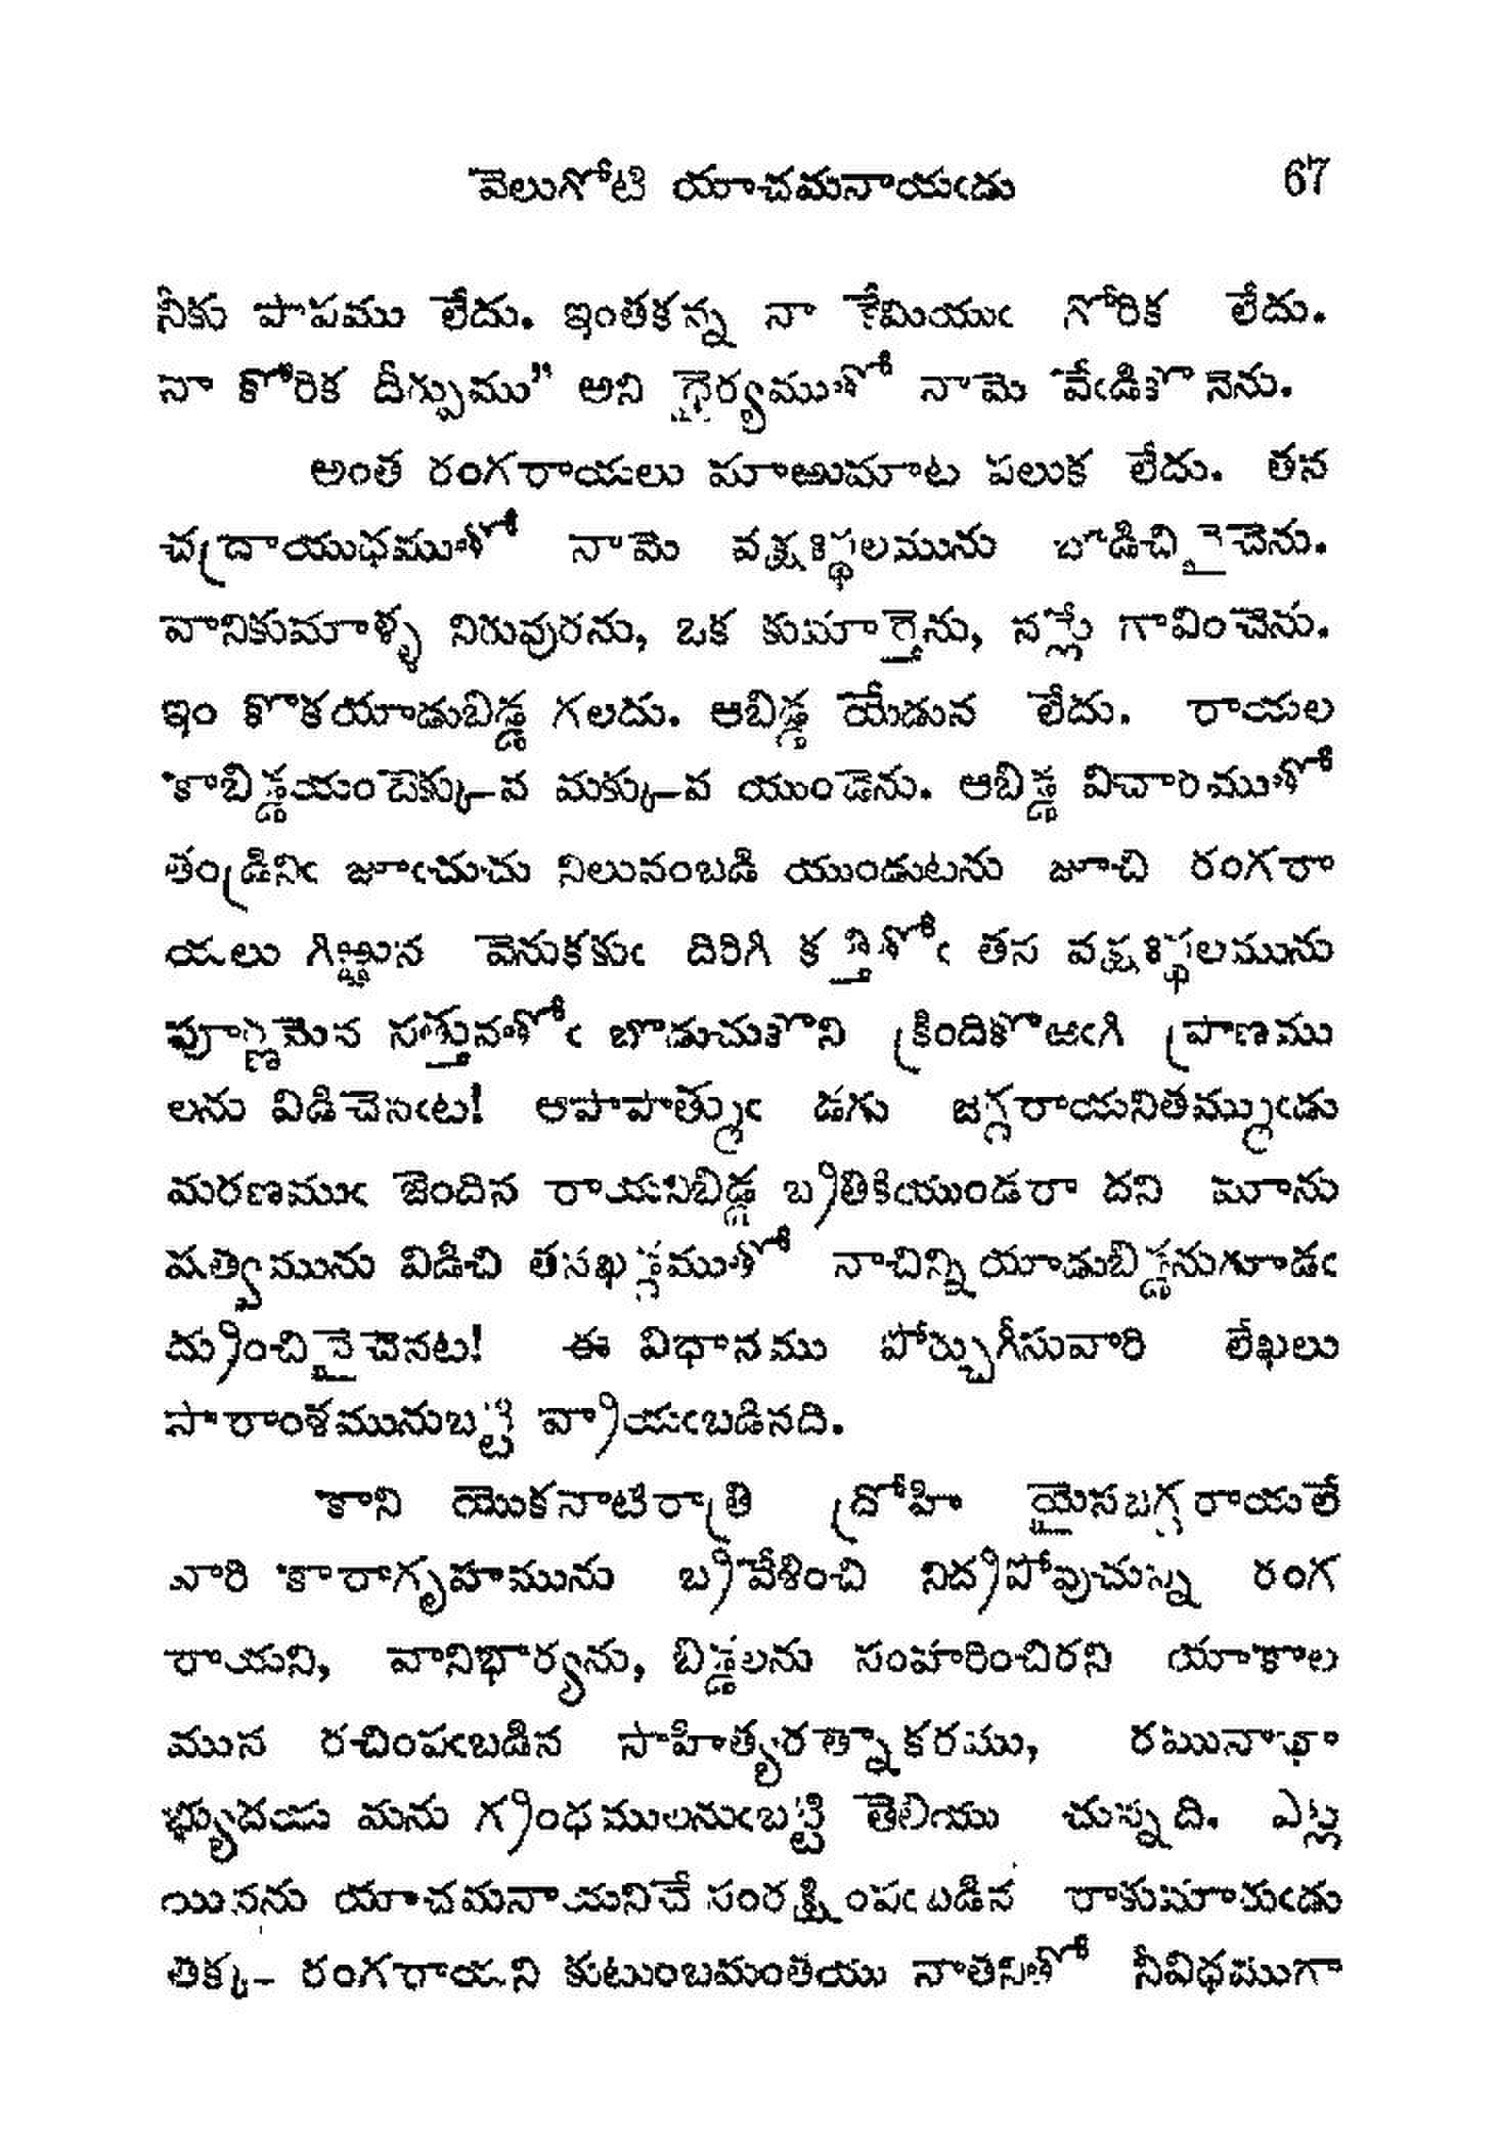నీకు పాపము లేదు. ఇంతకన్న నా కేమియుఁ గోరిక లేదు. నా కోరిక దీర్పుము" అని ధైర్యముతో నామె వేఁడికొనెను.

అంత రంగరాయలు మాఱుమాట పలుక లేదు. తన చద్రాయుధముతో నామె వక్షఃస్థలమును బొడిచివైచెను. వానికుమాళ్ళ నిరువురను, ఒక కుమార్తెను, నట్లే గావించెను. ఇం కొకయాడుబిడ్డ గలదు. ఆబిడ్డ యేడువ లేదు. రాయల కాబిడ్డయందెక్కువ మక్కువ యుండెను. ఆబిడ్డ విచారముతో తండ్రినిఁ జూఁచుచు నిలువంబడి యుండుటను జూచి రంగరాయలు గిఱ్ఱున వెనుకకుఁ దిరిగి కత్తితోఁ తన వక్షఃస్థలమును పూర్ణమైన సత్తువతోఁ బొడుచుకొని క్రిందికొఱఁగి ప్రాణములను విడిచెనఁట! ఆపాపాత్ముఁ డగు జగ్గరాయనితమ్ముఁడు మరణముఁ జెందిన రాయనిబిడ్డ బ్రతికియుండరా దని మానుషత్వమును విడిచి తనఖడ్గముతో నాచిన్ని యాడుబిడ్డనుగూడఁ ద్రుంచివైచెనట! ఈ విధానము పోర్చుగీసువారి లేఖలు సారాంశమునుబట్టి వ్రాయఁబడినది.

కాని యొకనాటిరాత్రి ద్రోహి యైనజగ్గరాయలే వారి కారాగృహమును బ్రవేశించి నిద్రపోవుచున్న రంగరాయని, వానిభార్యను, బిడ్డలను సంహరించిరని యాకాలమున రచింపఁబడిన సాహిత్యరత్నాకరము, రఘునాథాభ్యుదయ మను గ్రంథములనుఁబట్టి తెలియు చున్నది. ఎట్లయినను యాచమనాయనిచే సరంక్షింపఁబడిన రాకుమారుఁడు తక్క రంగరాయని కుటుంబమంతయు నాతనితో నీవిధముగా